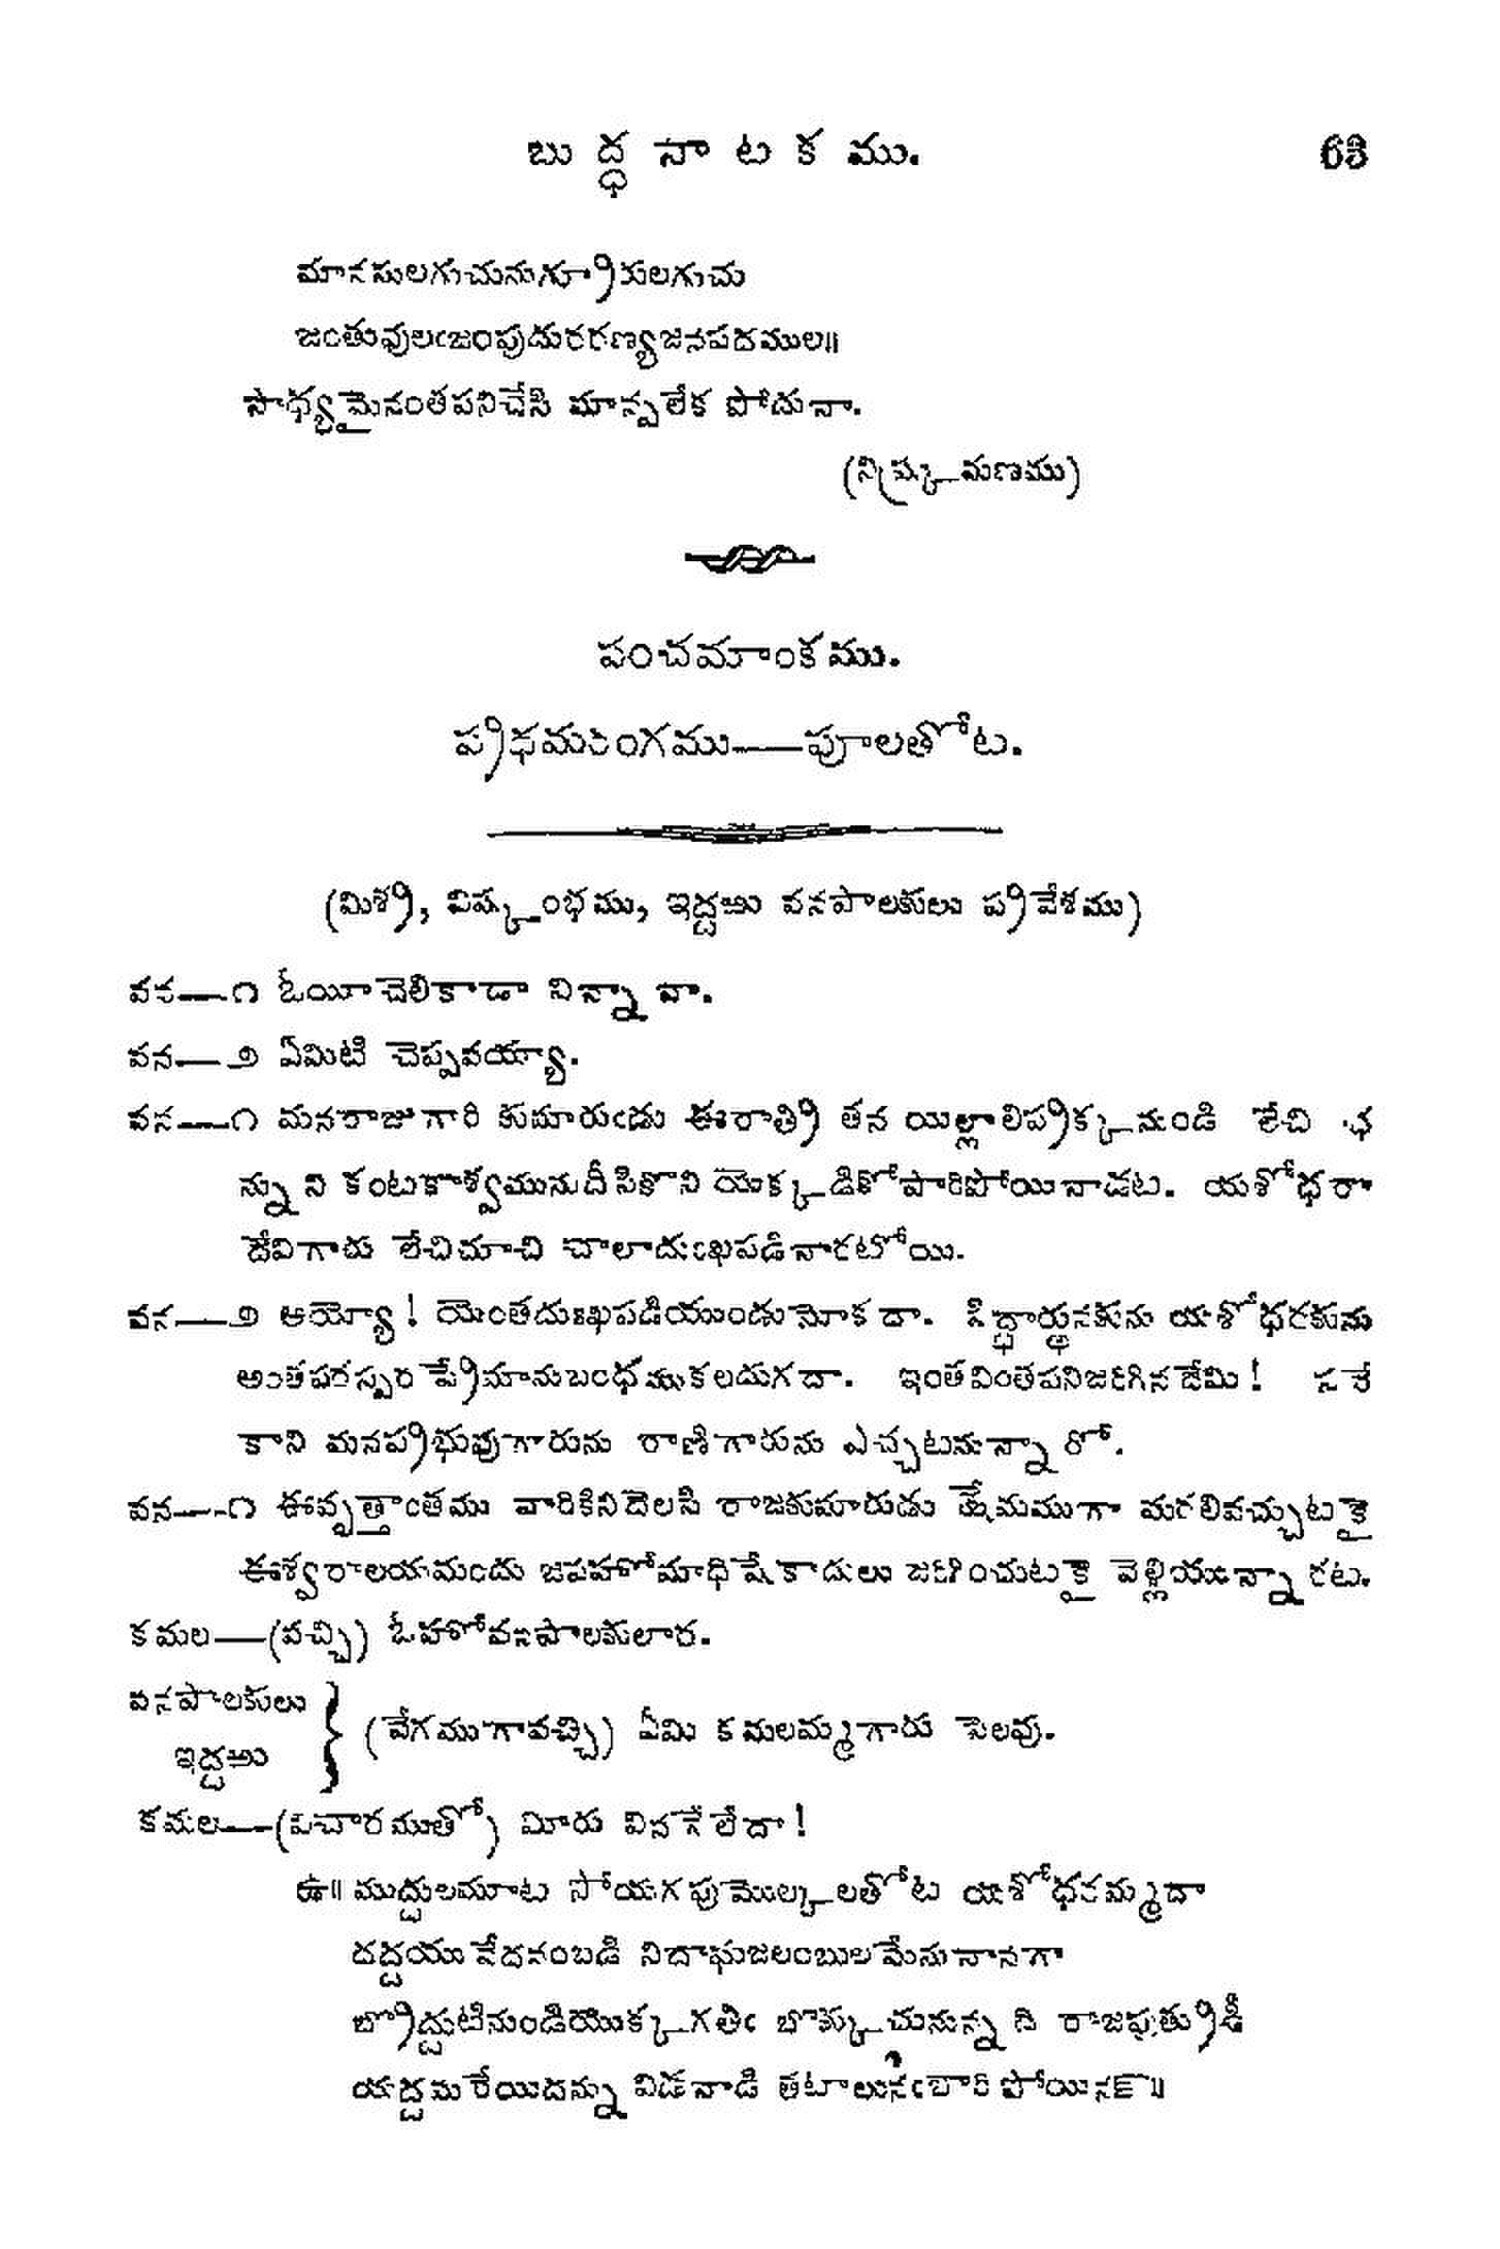మానసులగుచునుగ్రూరులగుచు
జంతువులఁజంపుదురరణ్యజనపదముల॥ 
సాధ్యమైనంతపనిచేసి మాన్పలేక పోదునా. 

 

వన - ౧ ఓయీ చెలికాడా విన్నావా

వన - ౨ ఏమిటి చెప్పవయ్యా.

వన - ౧ మనరాజు గారి కుమారుఁడు ఈరాత్రి తన యిల్లాలిప్రక్కనుండి లేచి ఛన్నుని కంటకార్వమునుదీసికొనియెక్కడికో 
పారిపోయినాడట. యశోధరా దేవి గారు లేచి చూచి చాలా దుఃఖపడినారటోయి.

వన — ౨ అయ్యో! యెంతదుఃఖపడియుండుమోకదా. సిద్ధార్థునకును యశోధరకును అంతపరస్పరప్రేమానుబంధముకలదుగదా. 
ఇంతవింతపనిజరిగినదేమి! సరే కాని మనప్రభువుగారును రాణిగారును ఎచ్చటనున్నారో.

వన - ౧ ఈవృత్తాంతము వారికినిదెలసి రాజకుమారుడు క్షేమముగా మరలివచ్చుటకై ఈశ్వరాలయమందు 
జపహోమాధిషేకాదులు జరిగించుటకై వెళ్లియున్నారట.

కమల — (వచ్చి) ఓహోవనపాలకులార.

వన పాలకులు ఇద్దరు - (వేగముగావచ్చి) ఏమి కమలమ్మగారు సెలవు.

కమల —— (విచారముతో) మీరు విననేలేదా!

ఈ॥ ముద్దులమూట సోయగపుమొల్కలతోట యశోధరమ్మదా 
దద్దయువేదనంబడి నిదాఘజలంబులమేనునానగా
బొద్దుటినుండియొక్కగతిఁ బొక్కుచునున్నది రాజపుత్రుడీ 
యద్దమరేయిదన్ను విడనాడి తటాలునఁబారి పోయిన౯॥